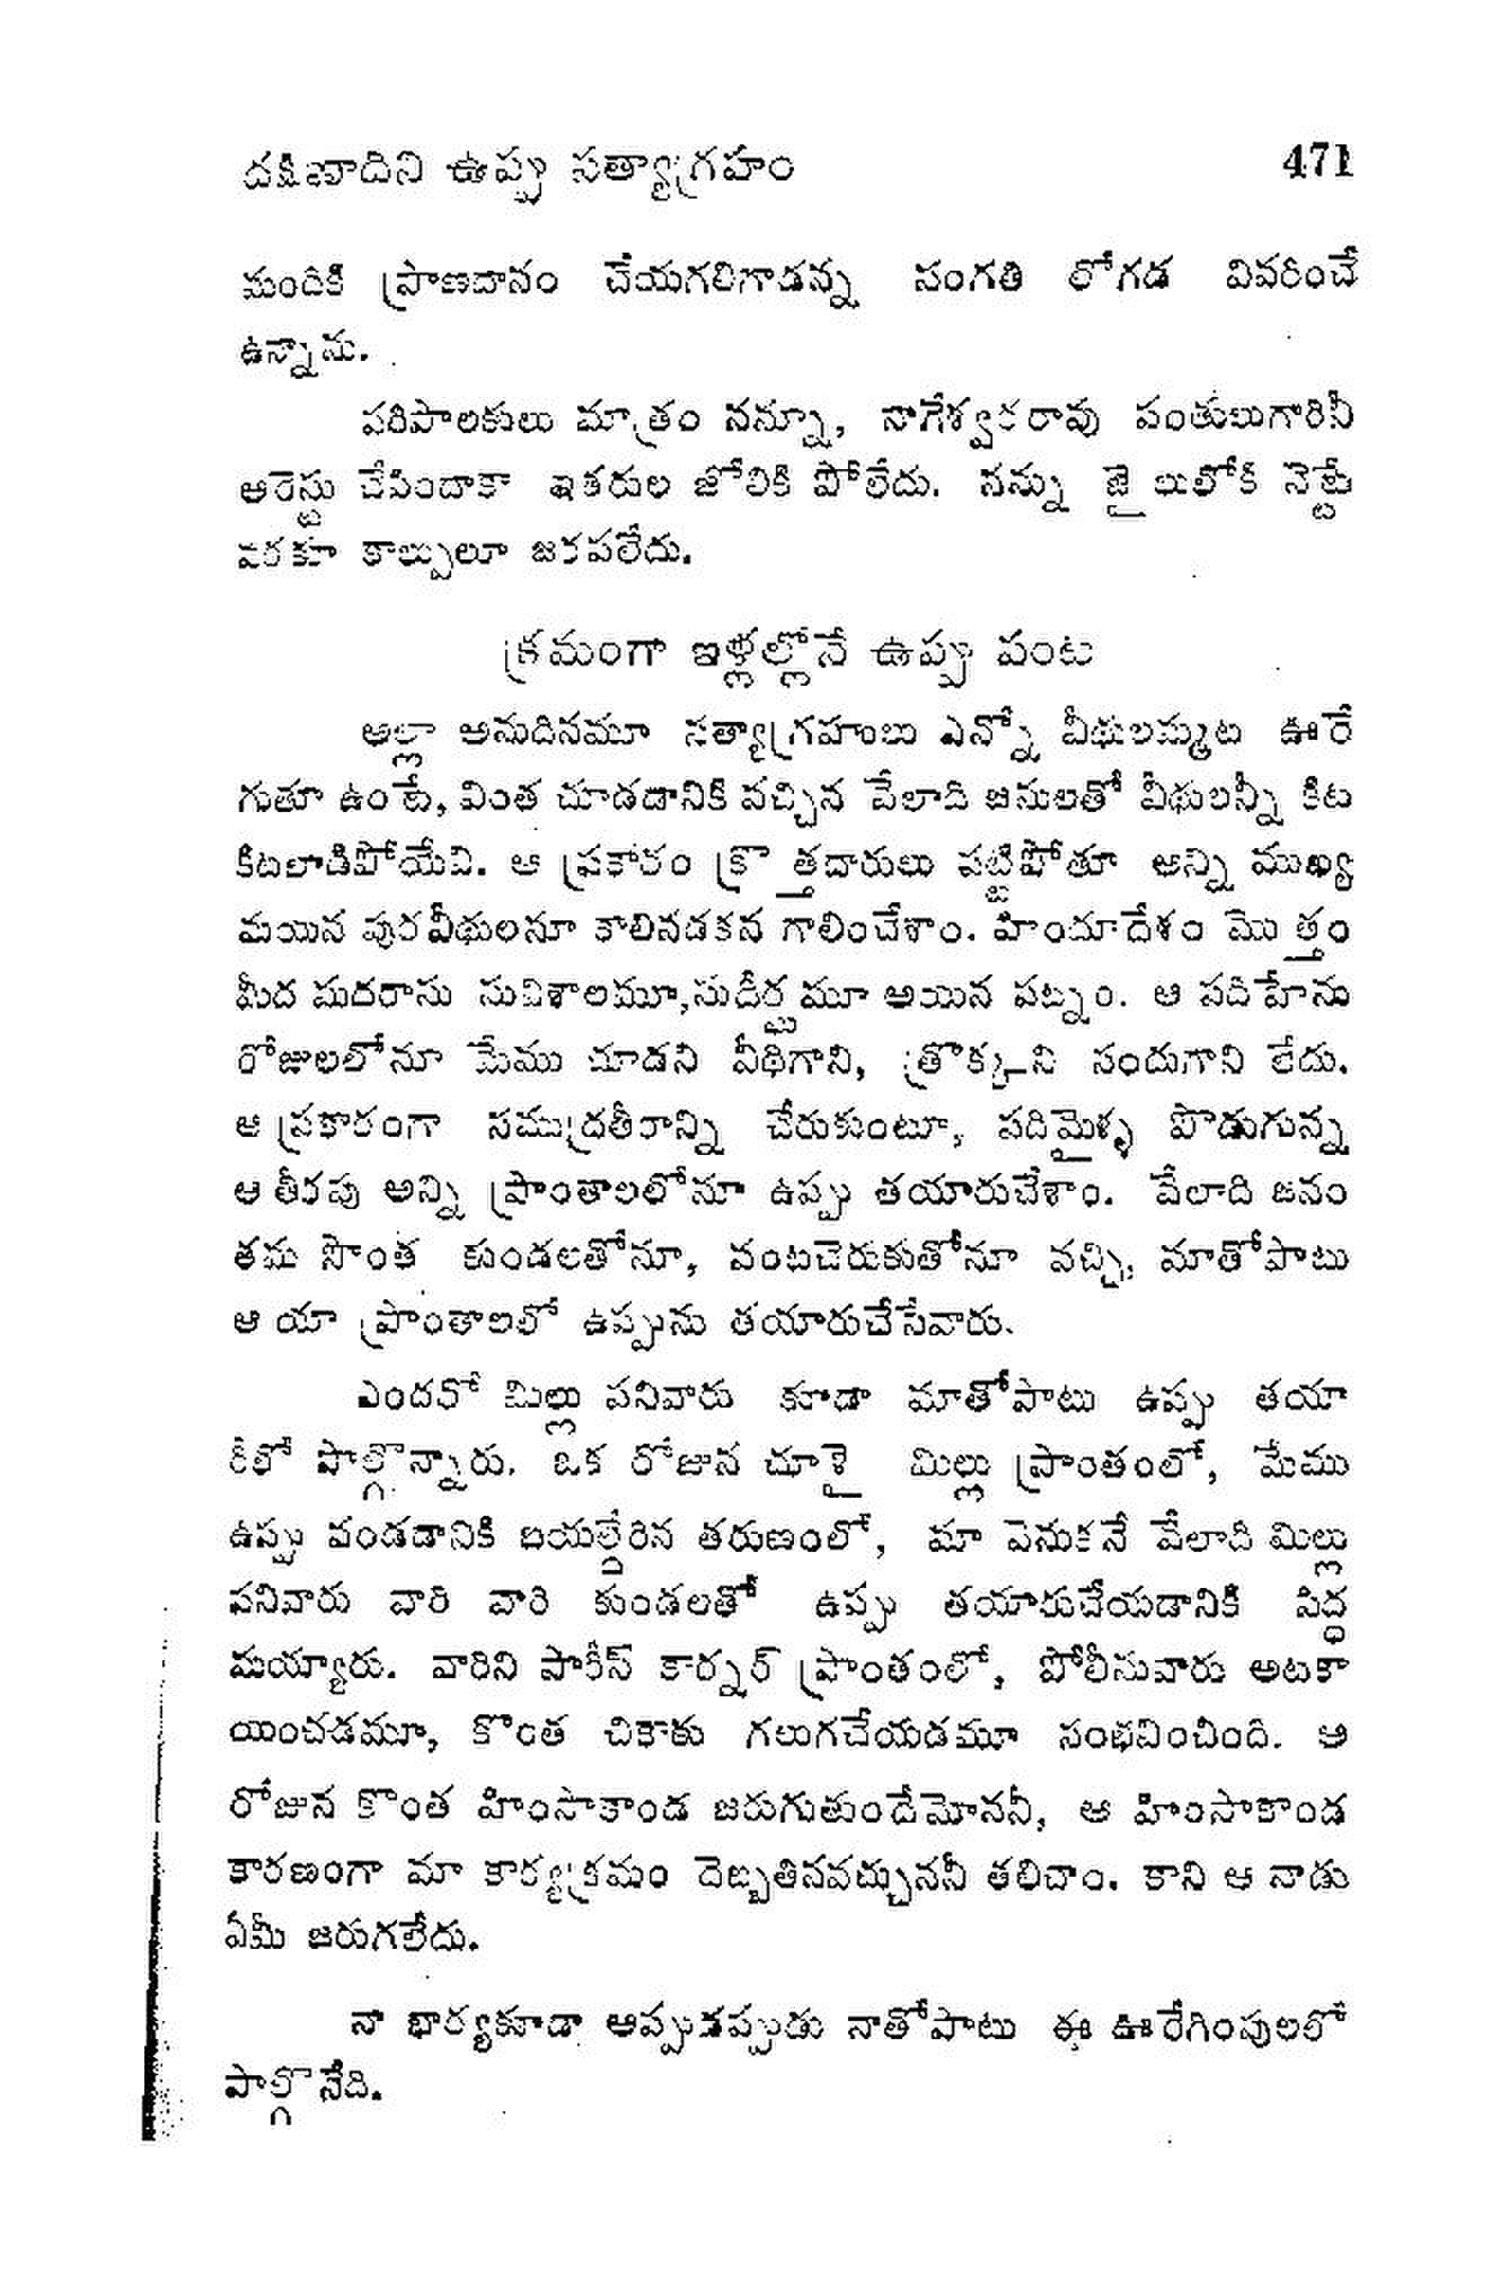మందికి ప్రాణదానం చేయగలిగాడన్న సంగతి లోగడ వివరించే ఉన్నాను.

పరిపాలకులు మాత్రం నన్నూ, నాగేశ్వరరావు పంతులుగారినీ అరెస్టు చేసిందాకా ఇతరుల జోలికి పోలేదు. నన్ను జైలులోకి నెట్టే వరకూ కాల్పులూ జరపలేదు.

అల్లా అనుదినమూ సత్యాగ్రహులు ఎన్నో వీథులమ్మట ఊరేగుతూ ఉంటే, వింత చూడడానికి వచ్చిన వేలాది జనులతో వీథులన్నీ కిటకిటలాడిపోయేవి. ఆ ప్రకారం క్రొత్తదారులు పట్టిపోతూ అన్ని ముఖ్యమయిన పురవీథులనూ కాలినడకన గాలించేశాం. హిందూదేశం మొత్తం మీద మదరాసు సువిశాలమూ, సుదీర్ఘమూ అయిన పట్నం. ఆ పదిహేను రోజులలోనూ మేము చూడని వీథిగాని, త్రొక్కని సందుగాని లేదు. ఆ ప్రకారంగా సముద్రతీరాన్ని చేరుకుంటూ, పదిమైళ్ళ పొడుగున్న ఆ తీరపు అన్ని ప్రాంతాలలోనూ ఉప్పు తయారుచేశాం. వేలాది జనం తమ సొంత కుండలతోనూ, వంటచెరకుతోనూ వచ్చి, మాతోపాటు ఆ యా ప్రాంతాలలో ఉప్పును తయారుచేసేవారు.

ఎందరో మిల్లు పనివారు కూడా మాతోపాటు ఉప్పు తయారీలో పాల్గొన్నారు. ఒక రోజున చూళై మిల్లు ప్రాంతంలో, మేము ఉప్పు వండడానికి బయల్దేరిన తరుణంలో, మా వెనుకనే వేలాది మిల్లు పనివారు వారి వారి కుండలతో ఉప్పు తయారుచేయడానికి సిద్ధమయ్యారు. వారిని పారీస్ కార్నర్ ప్రాంతంలో, పోలీసువారు అటకాయించడమూ, కొంత చికాకు గలుగచేయడమూ సంభవించింది. ఆ రోజున కొంత హింసాకాండ జరుగుతుందేమోననీ, ఆ హింసాకాండ కారణంగా మా కార్యక్రమం దెబ్బతినవచ్చుననీ తలిచాం. కాని ఆ నాడు ఏమీ జరుగలేదు.

నా భార్యకూడా అప్పుడప్పుడు నాతోపాటు ఈ ఊరేగింపులలో పాల్గొనేది.